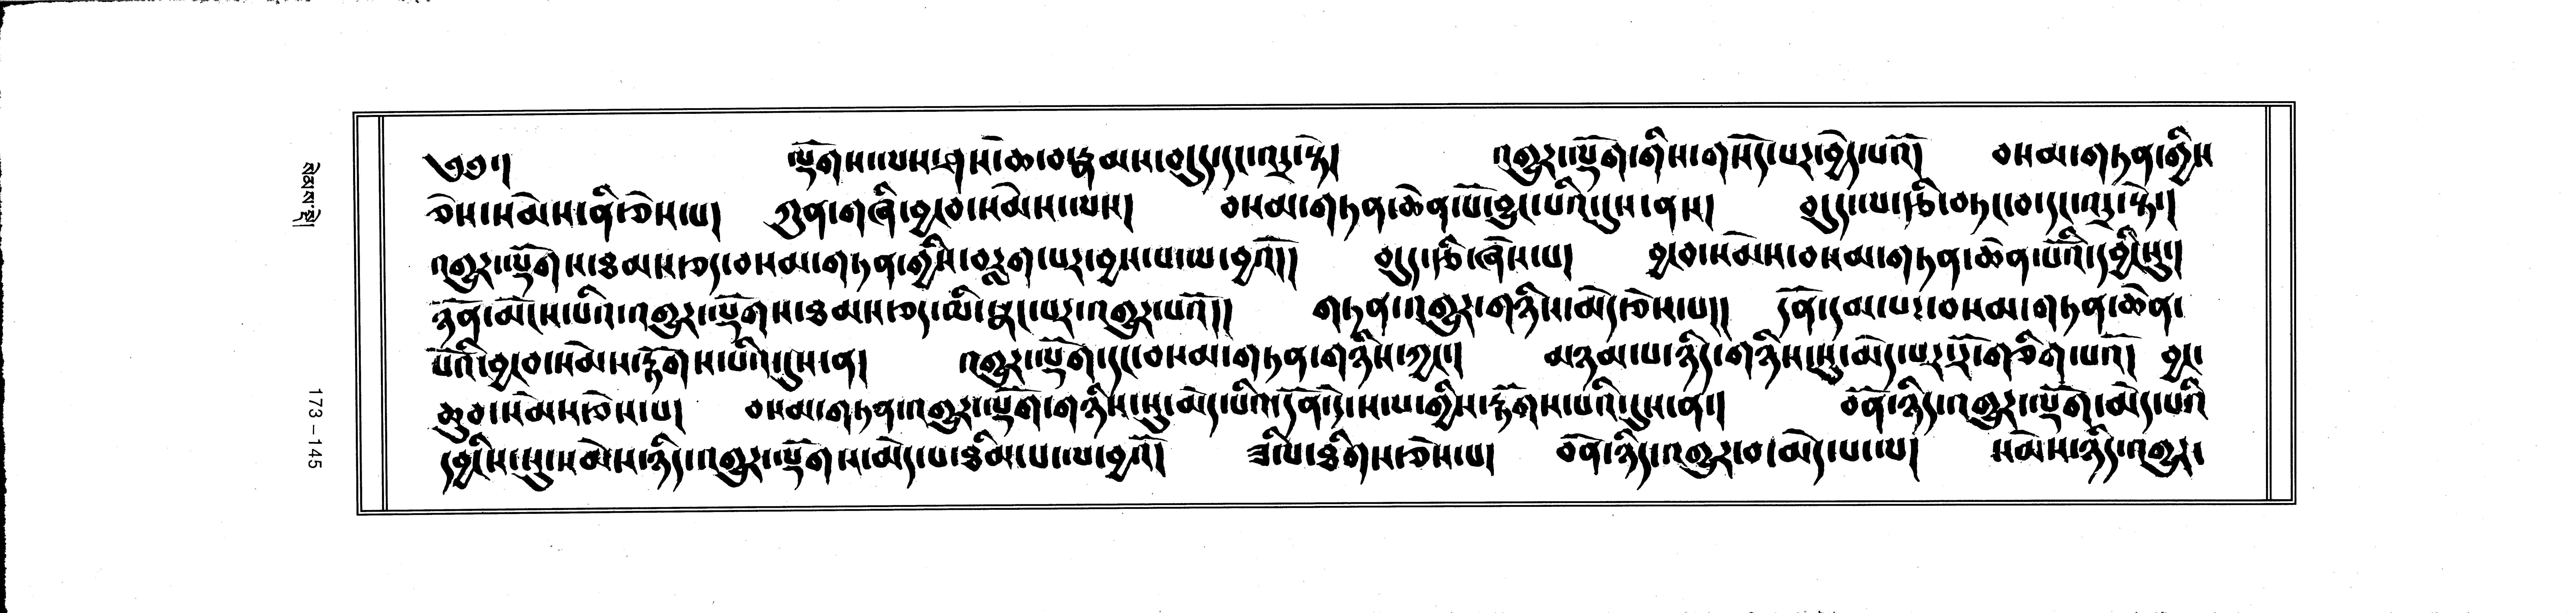ལྡོག་ལས་ཤས་ཆེ་བ་རྣམས་བདུད་དང་འདྲ་སྟེ། འགྱུར་ལྡོག་གིས་གསོད་པར་བྱེད་པའོ། བསམ་གཏན་གྱི་
ཅེས་སེམས་ནི་ཅེས་པས། ཀུན་གཞི་བྱང་ཆུབ་སེམས་ལས། བསམ་གཏན་ཆེན་པོ་བྱུང་བའི་དུས་ན། བདུད་ལས་རྩི་བཏང་བ་དང་འདྲ་སྟེ། 
འགྱུར་ལྡོག་ཐམས་ཅད་བསམ་གཏན་གྱིས་བརླག་པར་བྱས་པ་ལ་བྱའོ། །བདུད་རྩི་ཞེས་པ། བྱང་ཆུབ་ཀྱི་སེམས་བསམ་གཏན་ཆེན་པོའི་དབྱིངས་སུ་
ཉོན་མོངས་པའི་འགྱུར་ལྡོག་ཐམས་ཅད་མི་སྣང་བར་འགྱུར་བའོ། །གཏན་འགྱུར་གཉིས་མེད་ཅེས་པས། དོན་དམ་པར་བསམ་གཏན་ཆེན་
པོའི་བྱང་ཆུབ་སེམས་རྟོགས་པའི་དུས་ན། འགྱུར་ལྡོག་དང་བསམ་གཏན་གཉིས་ཀྱང་མཉམ་པ་ཉིད་གཉིས་སུ་མེད་པར་རོ་གཅིག་པའོ། །བྱང་
ཆུབ་སེམས་ཅེས་པས། བསམ་གཏན་དང་འགྱུར་ལྡོག་གཉིས་སུ་མེད་པའི་དོན་དེ་སལ་གྱིས་རྟོགས་པའི་དུས་ན། བོན་ཉིད་འགྱུར་ལྡོག་མེད་པའི་
དབྱིངས་སུ། སེམས་ཉིད་འགྱུར་ལྡོག་མེད་པ་ལ་ཐིམ་པ་ལ་བྱའོ། །ཟིལ་ཐིགས་ཅེས་པ། བོན་ཉིད་འགྱུར་བ་མེད་པ་ལ། སེམས་ཉིད་འགྱུར་